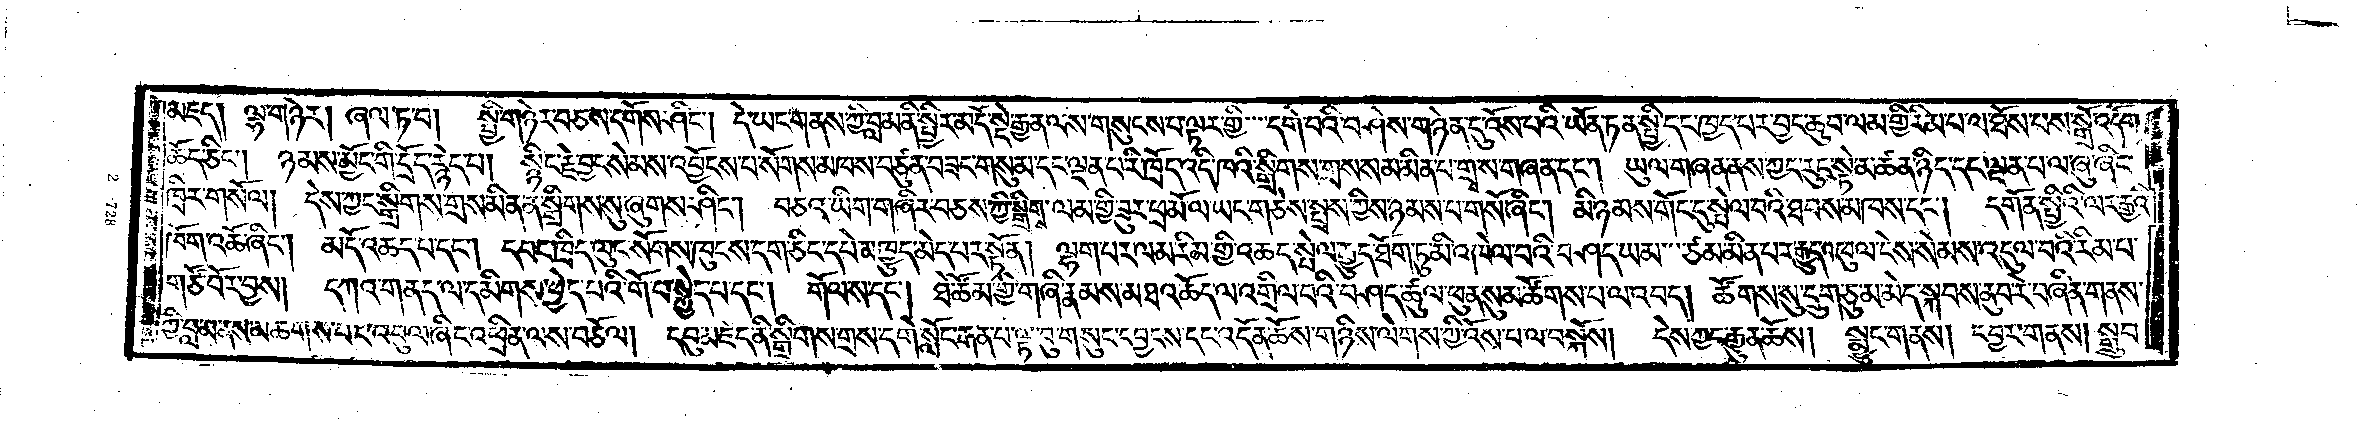མཇད། ལྷ་གཉེར། ཞལ་ཏ་བ། སྤྱི་གཉེར་བཅས་དགོས་ཤིང་། དེ་ཡང་གནས་ཀྱི་བླ་མ་ནི་སྤྱིར་མདོ་སྡེ་རྒྱན་ལས་གསུངས་པ་ལྟར་གྱི་དགེ་བའི་བཤེས་གཉེན་དུ་འོས་པའི་ཡོན་ཏན་སྤྱི་དང་ཁྱད་པར་བྱང་ཆུབ་ལམ་གྱི་རིམ་པ་ལ་ཐོས་པས་སྒྲོ་འདོག་
ཆོད་ཅིང་། ཉམས་མྱོང་གི་དྲོད་རྙེད་པ། སྙིང་རྗེ་བྱང་སེམས་འབྱོངས་པ་སོགས་མཁས་བཙུན་བཟང་གསུམ་དང་ལྡན་པ་རི་ཁྲོད་འདི་ཁའི་སྒྲིགས་གྲས་སམ་མིན་པ་གྲྭས་གཞན་དང་། ཡུལ་གཞན་ནས་ཀྱང་རུང་སྟེ་མཚན་ཉིད་དང་ལྡན་པ་ལ་ཞུ་ཞིང་
ཁྲིར་གསོལ། དེས་ཀྱང་སྒྲིགས་གྲས་མིན་ན་སྒྲིགས་སུ་ཞུགས་ཤིང་། བཅའ་ཡིག་གཞིར་བཅས་ཀྱི་སྒྲིགས་ལམ་གྱི་ཟུར་ཕྲ་མོ་ལ་ཡང་གཅེས་སྤྲས་ཀྱིས་ཉམས་པ་གསོ་ཞིང་། མི་ཉམས་གོང་དུ་སྤེལ་བའི་ཐབས་མཁས་དང་། དགོན་སྤྱིའི་ལར་རྒྱའི་
ཁོག་འཆོ་ཞིང་། མདོ་འཆད་པ་དང་། དབང་ཁྲིད་ལུང་སོགས་ཁུངས་དག་ཅིང་དཔེ་མ་ཁྱུད་མེད་པར་སྟོན། ལྷག་པར་ལམ་རིམ་གྱི་འཆད་སྤེལ་རྒྱུད་ཐོག་ཏུ་མི་འཁེལ་བའི་བཤད་ཡམ་ཙམ་མིན་པར་རྒྱུད་འཁྲུལ་ངེས་སེམས་འདུལ་བའི་རིམ་པ་
གཙོ་བོར་བྱས། དཀའ་གནད་ལ་དམིགས་ཕྱེད་པའི་གོ་བསྐྱེད་པ་དང་། གོལ་ས་དང་། ཐེ་ཚོམ་གྱི་གཞི་རྣམས་མཐའ་ཆོད་ལ་འགྲིལ་བའི་བཤད་ཚུལ་ཕུན་སུམ་ཚོགས་པ་ལ་འབད། ཚོགས་སུ་དྲུག་ཅུ་མ་མེད་སྐབས་ནུབ་རེ་བཞིན་གནས་
ཀྱི་བླ་མ་ནས་མ་ཆགས་པར་འབུལ་ཞིང་འཕྲིན་ལས་བཅོལ། དབུ་མཛད་ནི་སྒྲིགས་གྲས་དགེ་སློང་རྒན་པ་ལྟ་བུ་གསུང་དབྱངས་དང་འདོན་ཆོས་གཉིས་ལེགས་ཀྱི་འོས་པ་ལ་བསྐོས། དེས་ཀྱང་རྒྱུན་ཆོས། སྨྱུང་གནས། དབྱར་གནས། སྒྲུབ་